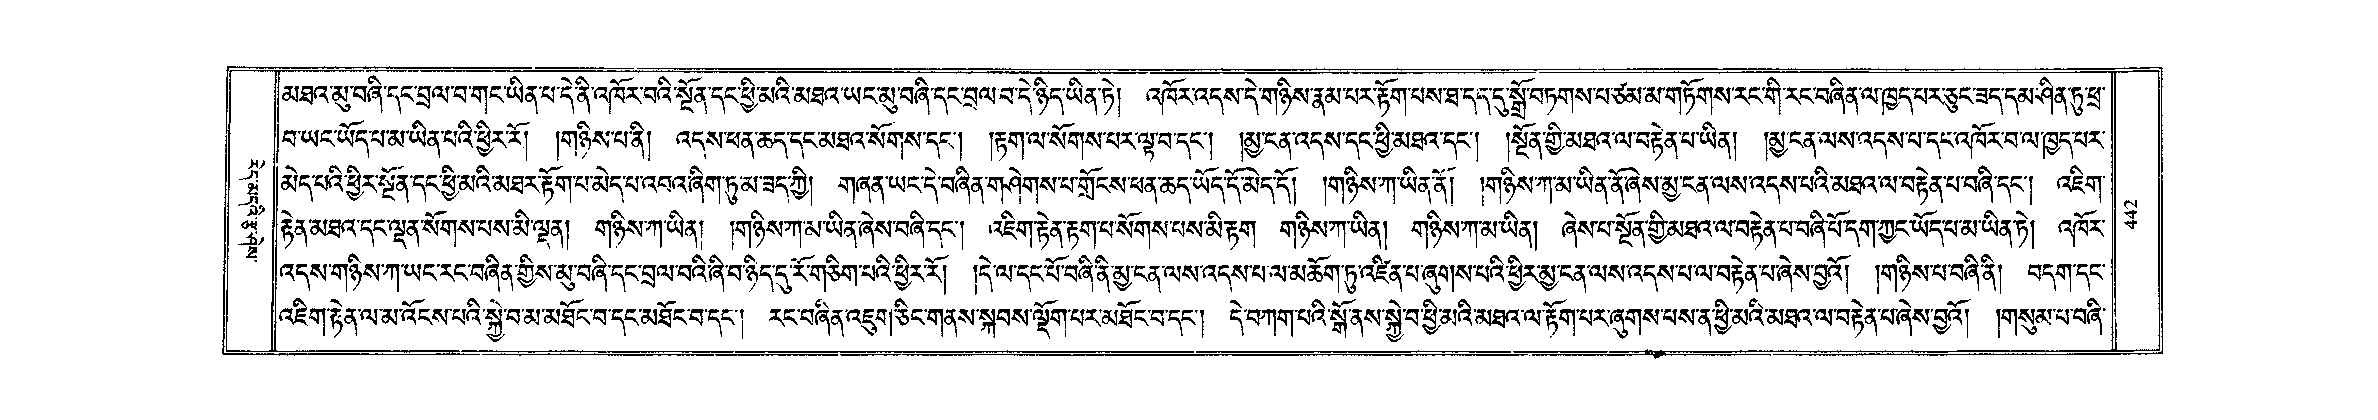མཐའ་མུ་བཞི་དང་བྲལ་བ་གང་ཡིན་པ་དེ་ནི་འཁོར་བའི་སྔོན་དང་ཕྱི་མའི་མཐའ་ཡང་མུ་བཞི་དང་བྲལ་བ་དེ་ཉིད་ཡིན་ཏེ། འཁོར་འདས་དེ་གཉིས་རྣམ་པར་རྟོག་པས་ཐ་དད་དུ་སྒྲོ་བཏགས་པ་ཙམ་མ་གཏོགས་རང་གི་རང་བཞིན་ལ་ཁྱད་པར་ཅུང་ཟད་དམ་ཤིན་ཏུ་ཕྲ་
བ་ཡང་ཡོད་པ་མ་ཡིན་པའི་ཕྱིར་རོ། །གཉིས་པ་ནི། འདས་ཕན་ཆད་དང་མཐའ་སོགས་དང་། །རྟག་ལ་སོགས་པར་ལྟ་བ་དང་། །མྱ་ངན་འདས་དང་ཕྱི་མཐའ་དང་། །སྔོན་གྱི་མཐའ་ལ་བརྟེན་པ་ཡིན། །མྱ་ངན་ལས་འདས་པ་དང་འཁོར་བ་ལ་ཁྱད་པར་
མེད་པའི་ཕྱིར་སྔོན་དང་ཕྱི་མའི་མཐར་རྟོག་པ་མེད་པ་འབའ་ཞིག་ཏུ་མ་ཟད་ཀྱི། གཞན་ཡང་དེ་བཞིན་གཤེགས་པ་གྲོངས་ཕན་ཆད་ཡོད་དོ་མེད་དོ། །གཉིས་ཀ་ཡིན་ནོ། །གཉིས་ཀ་མ་ཡིན་ནོ་ཞེས་མྱ་ངན་ལས་འདས་པའི་མཐའ་ལ་བརྟེན་པ་བཞི་དང་། འཇིག་
རྟེན་མཐའ་དང་ལྡན་སོགས་པས་མི་ལྡན། གཉིས་ཀ་ཡིན། །གཉིས་ཀ་མ་ཡིན་ཞེས་བཞི་དང་། འཇིག་རྟེན་རྟག་པ་སོགས་པས་མི་རྟག་གཉིས་ཀ་ཡིན། གཉིས་ཀ་མ་ཡིན། ཞེས་པ་སྔོན་གྱི་མཐའ་ལ་བརྟེན་པ་བཞི་པོ་དག་ཀྱང་ཡོད་པ་མ་ཡིན་ཏེ། འཁོར་
འདས་གཉིས་ཀ་ཡང་རང་བཞིན་གྱིས་མུ་བཞི་དང་བྲལ་བའི་ཞི་བ་ཉིད་དུ་རོ་གཅིག་པའི་ཕྱིར་རོ། །དེ་ལ་དང་པོ་བཞི་ནི་མྱ་ངན་ལས་འདས་པ་ལ་མཆོག་ཏུ་འཛིན་པ་ཞུགས་པའི་ཕྱིར་མྱ་ངན་ལས་འདས་པ་ལ་བརྟེན་པ་ཞེས་བྱའོ། །གཉིས་པ་བཞི་ནི། བདག་དང་
འཇིག་རྟེན་ལ་མ་འོངས་པའི་སྐྱེ་བ་མ་མཐོང་བ་དང་མཐོང་བ་དང་། རང་བཞིན་འཇུག་ཅིང་གནས་སྐབས་ལྡོག་པར་མཐོང་བ་དང་། དེ་བཀག་པའི་སྒོ་ནས་སྐྱེ་བ་ཕྱི་མའི་མཐའ་ལ་རྟོག་པར་ཞུགས་པས་ན་ཕྱི་མའི་མཐའ་ལ་བརྟེན་པ་ཞེས་བྱའོ། །གསུམ་པ་བཞི་